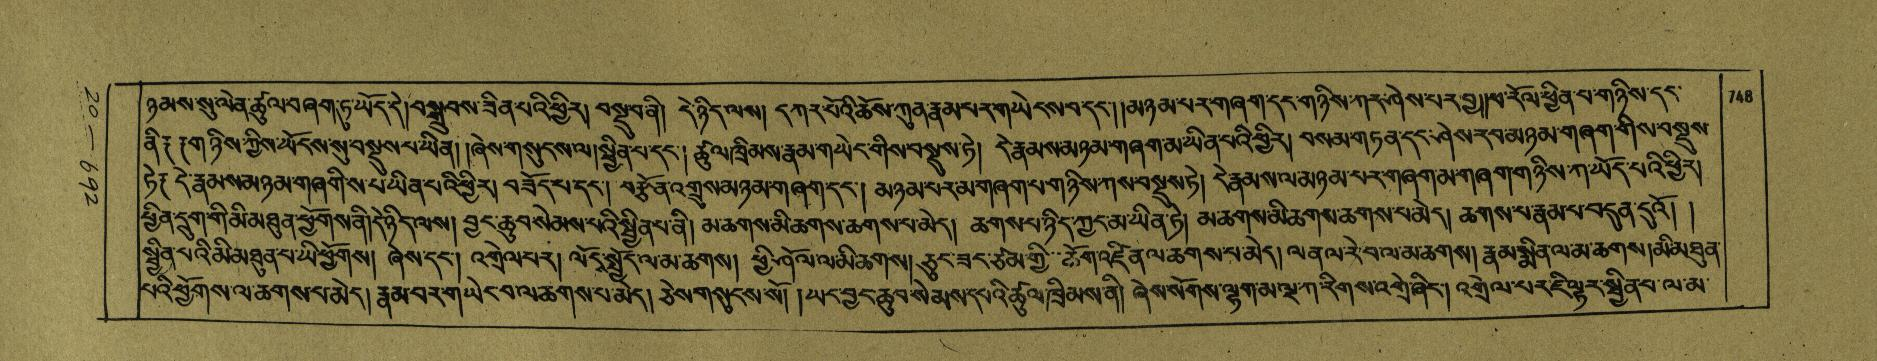ཉམས་སུ་ལེན་ཚུལ་བཞག་ཏུ་ཡོད་དེ། བསྒྲུབས་ཟིན་པའི་ཕྱིར། བསྡུ་བ་ནི། དེ་ཉིད་ལས། དཀར་པོའི་ཆོས་ཀུན་རྣམ་པར་གཡེངས་བ་དང་། །མཉམ་པར་གཞག་དང་གཉིས་ཀར་ཤེས་པར་བྱ། །ཕ་རོལ་ཕྱིན་པ་གཉིས་དང་
ནི༑ ༑གཉིས་ཀྱིས་ཡོངས་སུ་བསྡུས་པ་ཡིན། །ཞེས་གསུངས་ལ། སྦྱིན་པ་དང་། ཚུལ་ཁྲིམས་རྣམ་གཡེང་གིས་བསྡུས་ཏེ། དེ་རྣམས་མཉམ་གཞག་མ་ཡིན་པའི་ཕྱིར། བསམ་གཏན་དང་ཤེས་རབ་མཉམ་གཞག་གིས་བསྡུས་
ཏེ༑ དེ་རྣམས་མཉམ་གཞགི་ས་པ་ཡིན་པའི་ཕྱིར། བཟོད་པ་དང་། བརྩོན་འགྲུས་མཉམ་གཞག་དང་། མཉམ་པར་མ་གཞག་པ་གཉིས་ཀས་བསྡུས་ཏེ། དེ་རྣམས་ལ་མཉམ་པར་གཞག་མ་གཞག་གཉིས་ཀ་ཡོད་པའི་ཕྱིར།
ཕྱིན་དྲུག་གི་མི་མཐུན་ཕྱོགས་ནི། དེ་ཉིད་ལས། བྱང་ཆུབ་སེམས་པའི་སྦྱིན་པ་ནི། མ་ཆགས་མི་ཆགས་ཆགས་པ་མེད། ཆགས་པ་ཉིད་ཀྱང་མ་ཡིན་ཏེ། མ་ཆགས་མི་ཆགས་ཆགས་པ་མེད། ཆགས་པ་རྣམ་པ་བདུན་དུའོ། །
སྦྱིན་པའི་མི་མཐུན་པ་ཡི་ཕྱོགས། ཞེས་དང་། འགྲེལ་པར། ལོངས་སྤྱོད་ལ་མ་ཆགས། ཕྱི་ཤོལ་ལ་མི་ཆགས། ཅུང་ཟད་ཙམ་གྱི་ཆོག་འཛིན་ལ་ཆགས་པ་མེད། ལན་ལ་རེ་བ་ལ་མ་ཆགས། རྣམ་སྨིན་ལ་མ་ཆགས། མི་མཐུན་
པའི་ཕྱོགས་ལ་ཆགས་པ་མེད། རྣམ་བར་གཡེང་བ་ལ་ཆགས་པ་མེད། ཅེས་གསུངས་སོ། །ཡང་བྱང་ཆུབ་སེམས་དཔའི་ཚུལ་ཁྲིམས་ནི། ཞེས་སོགས་ལྷག་མ་ལྔ་ཀ་རིགས་འགྲེ་ཞིང་། འགྲེལ་པར་ཇི་ལྟར་སྦྱིན་པ་ལ་མ་